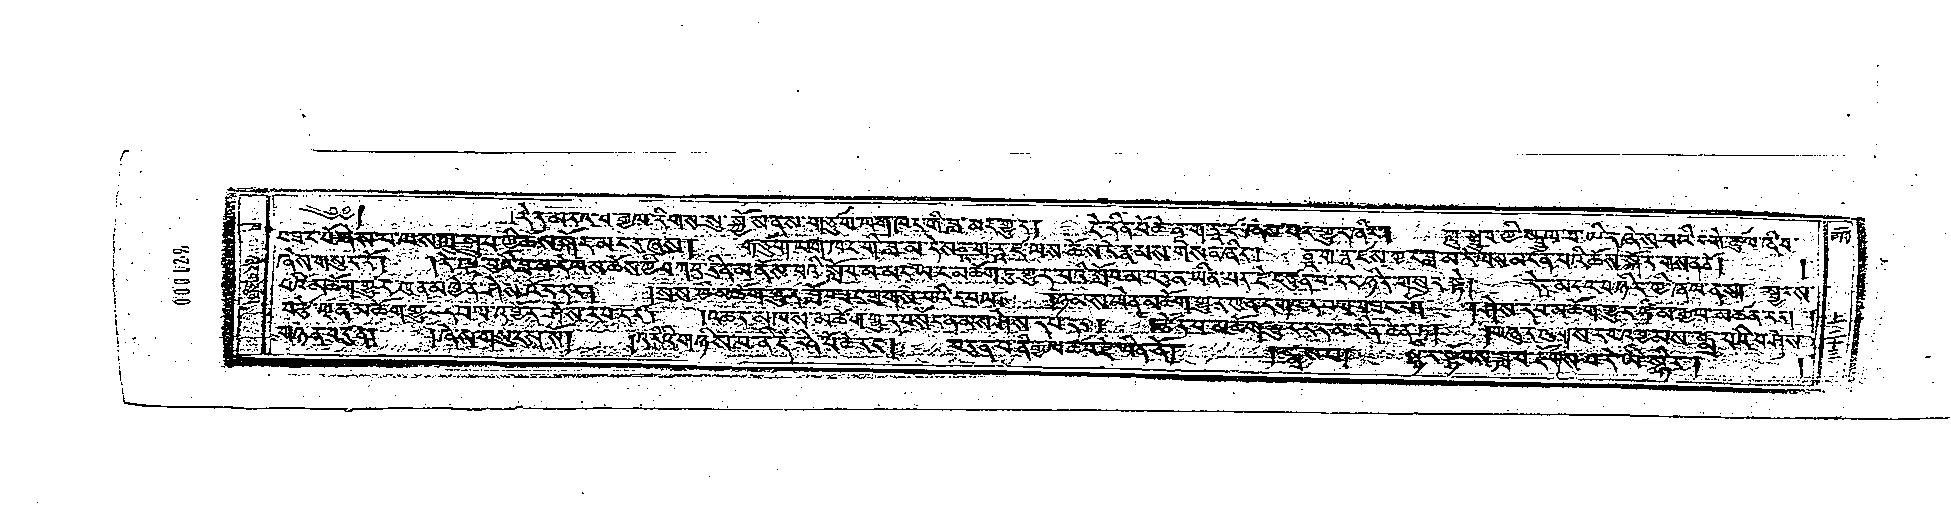༄༅། །རེད་མདའ་བ་རྒྱལ་རིགས་སུ་སྐྱེས་ནས་གཙུག་ལག་ཁང་གི་བླ་མར་གྱུར། རྗེ་རིན་པོ་ཆེ་ནཱ་ག་དཱ་ཛ་ཞེས་པར་གྱུར་ཞིང་། ཀླུ་སྒྲུབ་ཀྱི་སྤྲལ་བ་ཡིན་ཞེས་པའི་དགེ་ཚུལ་ཞིབ་
ཟང་བོ་ཞེས་པ་ལས་ཀླུ་སྒྲུབ་ཀྱི་ཆོས་སྐོར་མང་དུ་ཞུས། གཙུག་ལག་ཁང་གི་བླ་མ་ངེས་ནཱ་ག་རཱ་ཛ་ལས་ཚེ་དེ་རྣམས་གསེན་ཞིང་། ནཱ་ག་རཱ་ཛས་ཀྱང་བླ་མ་དེ་ལས་མངོན་པའི་ཆོས་སྐོར་གསན་ནོ། །
ཞེས་གསུང་ངོ། །དེ་ལྷ་པའི་བླ་མ་དེ་ལས་ཆོས་ཀྱི་བཀའ་དྲིན་མནོས་པའི་སློབ་མ་མང་ཡང་མཆོག་ཏུ་གྱུར་པའི་སློབ་མ་བདུན་ཡིན་པར་རྗེ་བཙུན་པ་དང་ཉིད་གསུང་སྟེ། རེད་མངའ་བ་ཉིད་ཀྱི་ཞལ་ནས། སྦྱངས་
པའི་མཆོག་གྱུར་ཀུན་མཁྱེན་ཤེས་འོད་དང་། །སྲས་ཀྱི་མཆོག་གྱུར་བློ་བཟང་གྲགས་པའི་དཔལ། །ཉམས་ལེན་མཆོག་གྱུར་ཀུན་དགའ་དཔལ་བཟང་པོ། །ཤེས་རབ་མཆོག་གྱུར་ཉི་མ་རྒྱལ་མཚན་དང་། །
བརྩེ་ལྔན་མཆོག་གྱུར་དཔལ་འབྱོར་ཤེས་རབ་དང་། །འཆང་མཁས་མཆོག་གྱུར་བསོད་ནམས་ཤེས་རབ་དང་། །རྩོད་པ་མཆོག་གྱུར་ངད་མ་རིན་ཆེན་ཏ། །གཞུང་ལུགས་རབ་འབྱམས་སྨྲ་བའི་བཤེས་
གཉེན་བདུན། །ཞེས་གསུངས་སོ། །འདིའི་གཉིས་པ་ནི་རྗེ་རིན་པོ་ཆེ་དང་། བདུན་པ་ནི་རྒྱལ་ཆབ་རྗེ་ཡིན་ནོ། །སྨྲས་པ། སྙིང་སྟོབས་བླ་བ་རྫོགས་པ་དེ་ཡི་སྙིང་། །